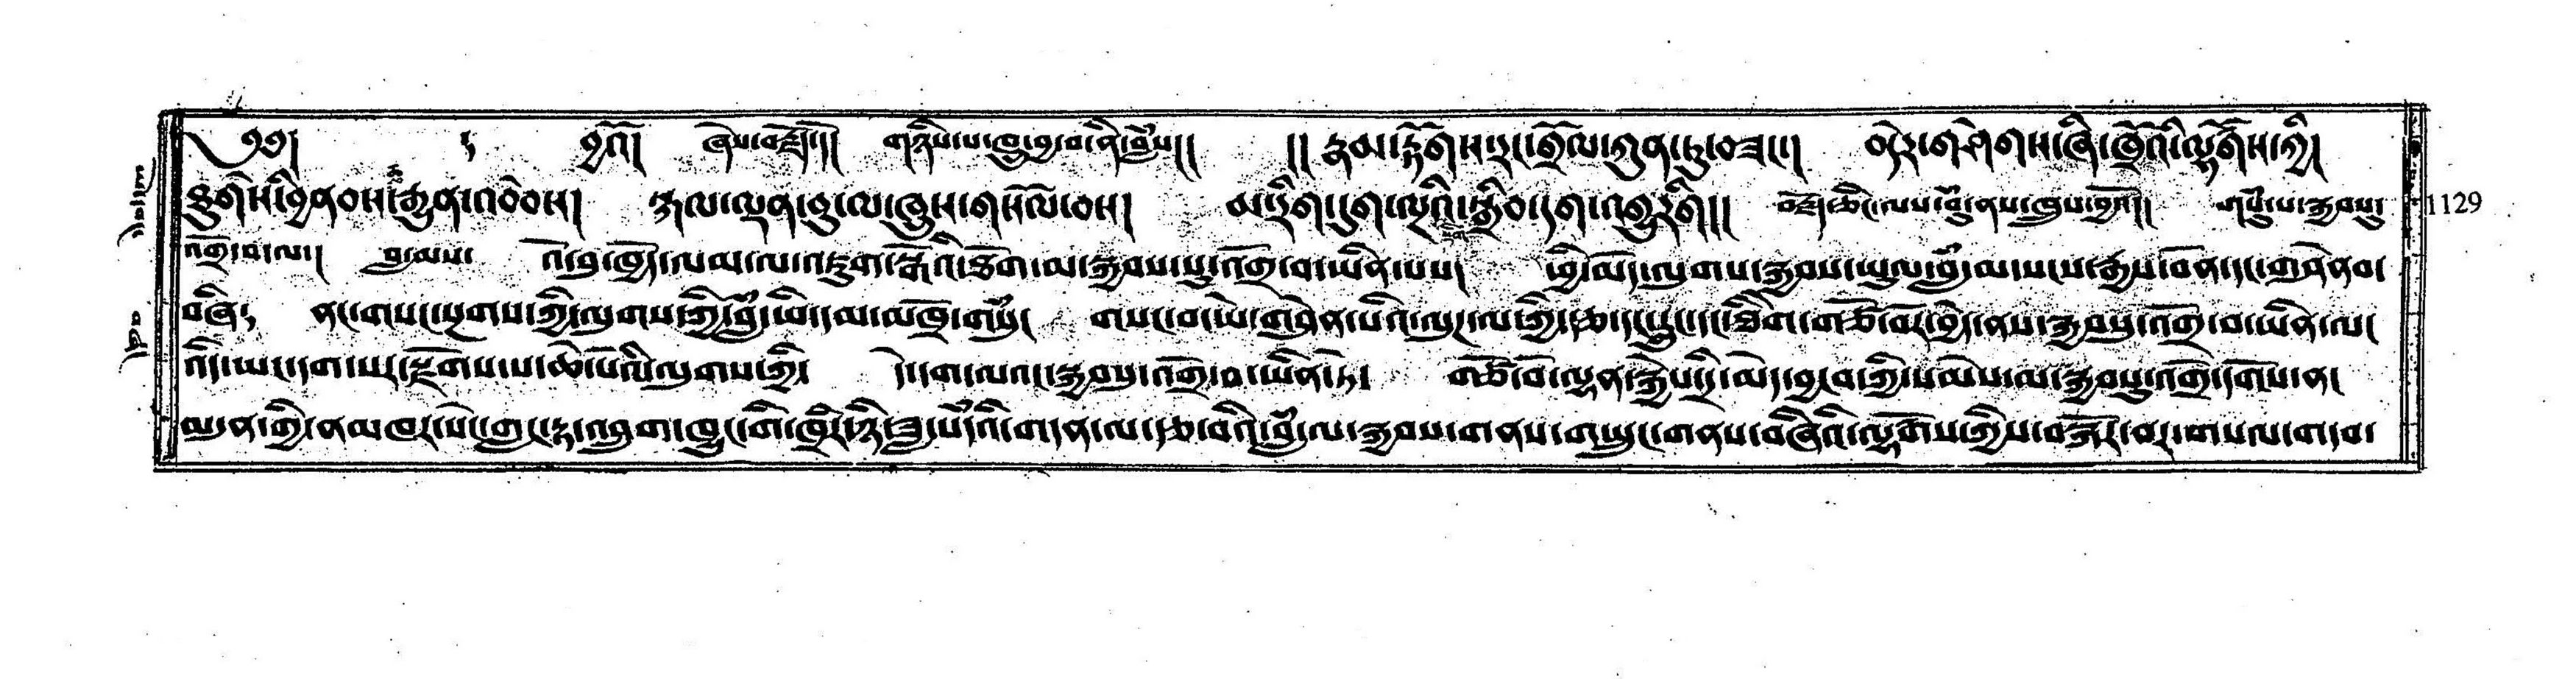བྱའོ། ཞེས་བརྗོད་དོ། གཉིས་པ་ཁྲུས་བྱ་བ་ནི་བླ་མས།། །།རྣམ་རྟོག་རང་གྲོལ་ཀུན་ཏུ་བཟང་། བདེར་གཤེགས་ཞི་ཁྲོའི་ལྷ་ཚོགས་ཀྱི། 
ཐུགས་རྗེ་བྱིན་རླབས་རྒྱུན་འབེབས། སྐལ་ལྡན་བུ་ལ་ཁྲུས་གསོལ་བས། མ་རིག་དུག་ལྔའི་སྒྲིབ་པ་དག་འགྱུར་ཅིག བརྗོད་ཅིང་ལས་བུམ་ནས་ཁྲུས་བྱའོ།། གསུམ་པ་སྐྱབས་སུ་
འགྲོ་བ་ལ། བླ་མས་འོ་བུ་ཁྱོད་ལམ་ལ་འཇུག་སྒོའི་ཐོག་མ་སྐྱབས་སུ་འགྲོ་བ་ཡིན་པས། ཕྱི་མདོ་ལུགས་སྐྱབས་ཡུལ་བླ་མ་ལ་སངས་རྒྱས་བོན་དང་གཤེན་རབ་
བཞི། ནང་གསང་སྔགས་ཀྱི་ལུགས་ཀྱི་བླ་མ་ཡི་དམ་མཁའ་འགྲོ་གསུམ། གསང་བ་ཡེ་གཤེན་པའི་ལུགས་ལ་ཀྱི་རྩ་དང་རླུང་དང་ཐིག་ལེ་གཙོ་བོར་བྱེད་ནས་སྐྱབས་སུ་འགྲོ་བ་ཡིན་ལ། 
འདི་ཡང་དག་པར་རྫོགས་པ་ཆེན་པོའི་ལུགས་ཀྱི། དེ་དག་ལའང་སྐྱབས་སུ་འགྲོ་བ་ཡིན་ཏེ། གཙོ་བོ་ལྷན་སྐྱེས་དྲི་མེད་བྱང་ཆུབ་ཀྱི་སེམས་ལ་སྐྱབས་སུ་འགྲོ་དགོས་ན། 
མདུན་གྱི་ནམ་མཁར་སེང་གླང་རྟ་འབྲུག་ཁྱུང་གི་ཁྲིར་ཉི་ཟླ་སེམས་དཔའི་གདན་ལ་རྩ་བའི་བླ་མ་ལ་སྐྱབས་གནས་གཡུང་དྲུང་གནས་བཞིའི་ལྷ་ཚོགས་ཀྱིས་བསྐོར་བར་གསལ་གདབ་